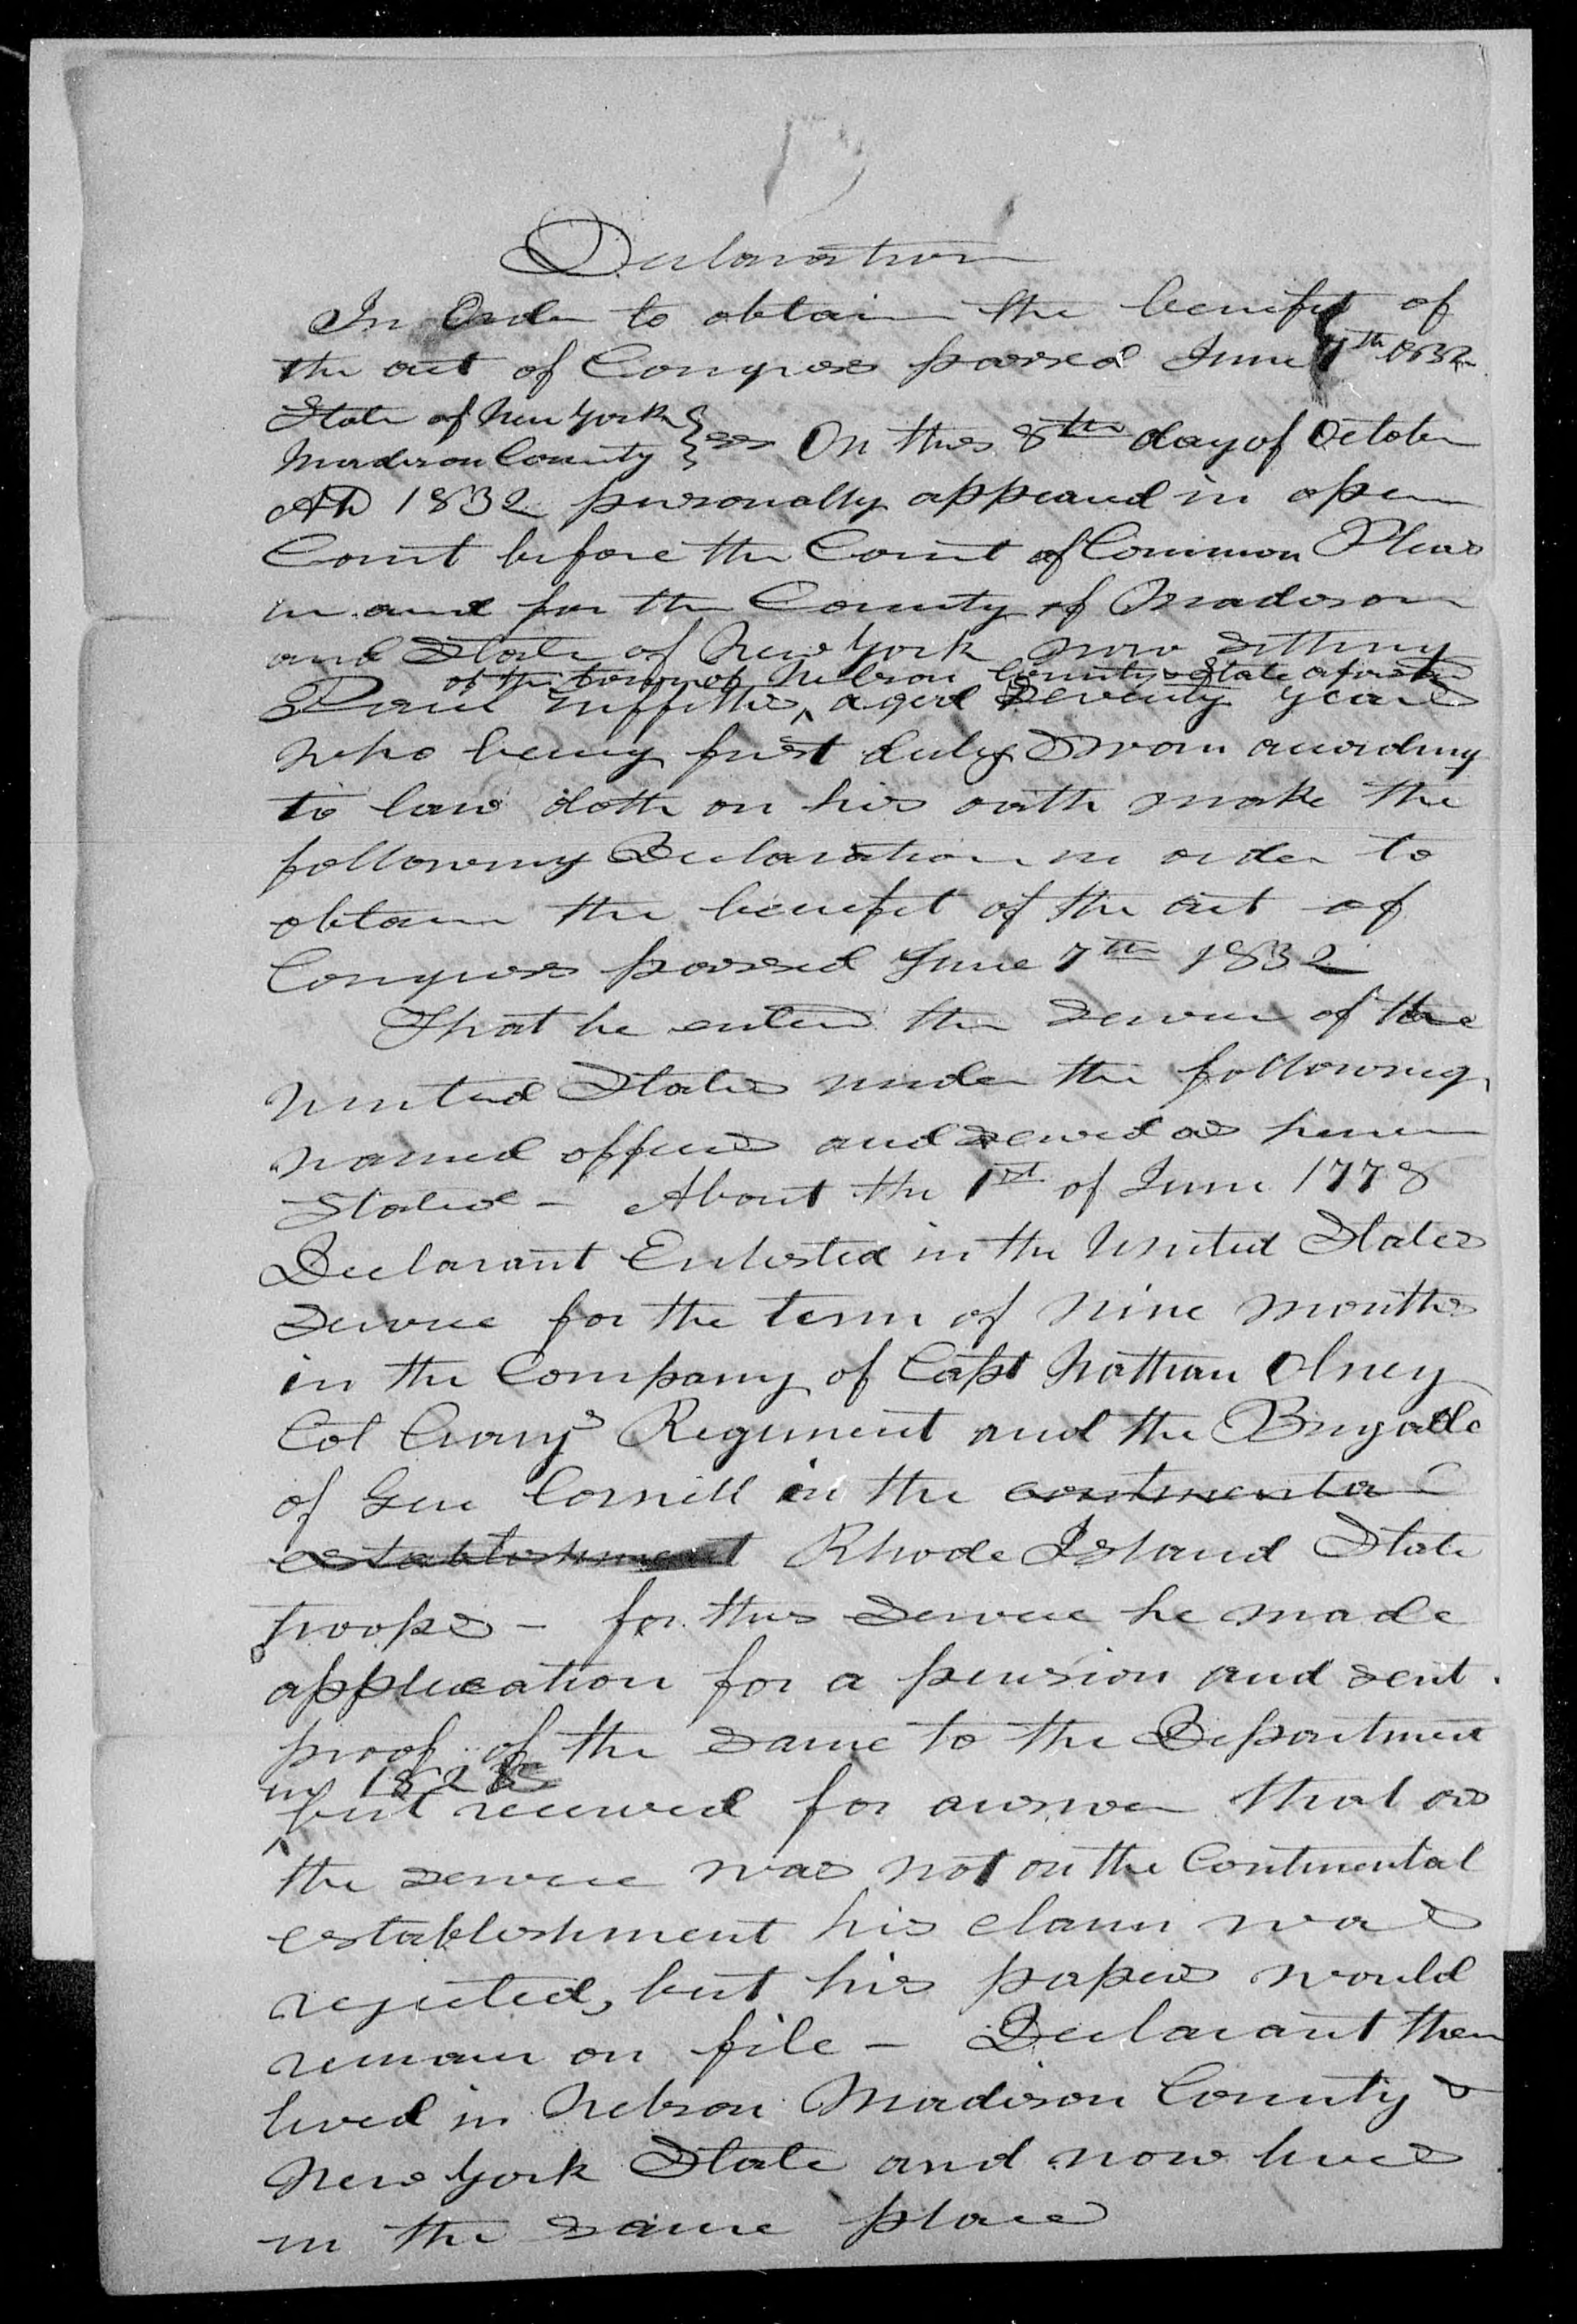Declaration
In order to obtain the bounty of the Act of Congress passed June 7th 1832 
State of New York, Madison County, ss. On this 8th day of October A.D. 1832 personally appeared in the open Court before the Court of Common Pleas in and for the County of Madison and State of New York now sitting Paul Griffiths of the town of Nelson, County & State aforesaid, aged seventy years who being first duly sworn according to law doth on his oath make the following declaration in order to obtain the benefit of the Act of Congress passed June 7th 1832.
That he entered the service of the United States under the following named officers and served as herein stated - About the 1st of June 1778 Declarant enlisted in the United States service for the term of nine months in the company of Capt. Nathan Olney, Col. Crary's regiment and the Brigade of Gen. Cornill in the Rhode Island State troops - for this service he made application for a pension and sent proof of the same to the Department in 1823 but received for answer that as the service was not on the Continental establishment, his claim was rejected, but his papers would remain on file - Declarant then lived in Nelson, Madison County in New York state and now lives in the same place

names: Paul Griffiths, Cornill, Nathan Olney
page: 5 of 61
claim: survivor's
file: S. 22798, Paul Griffiths, R.I.